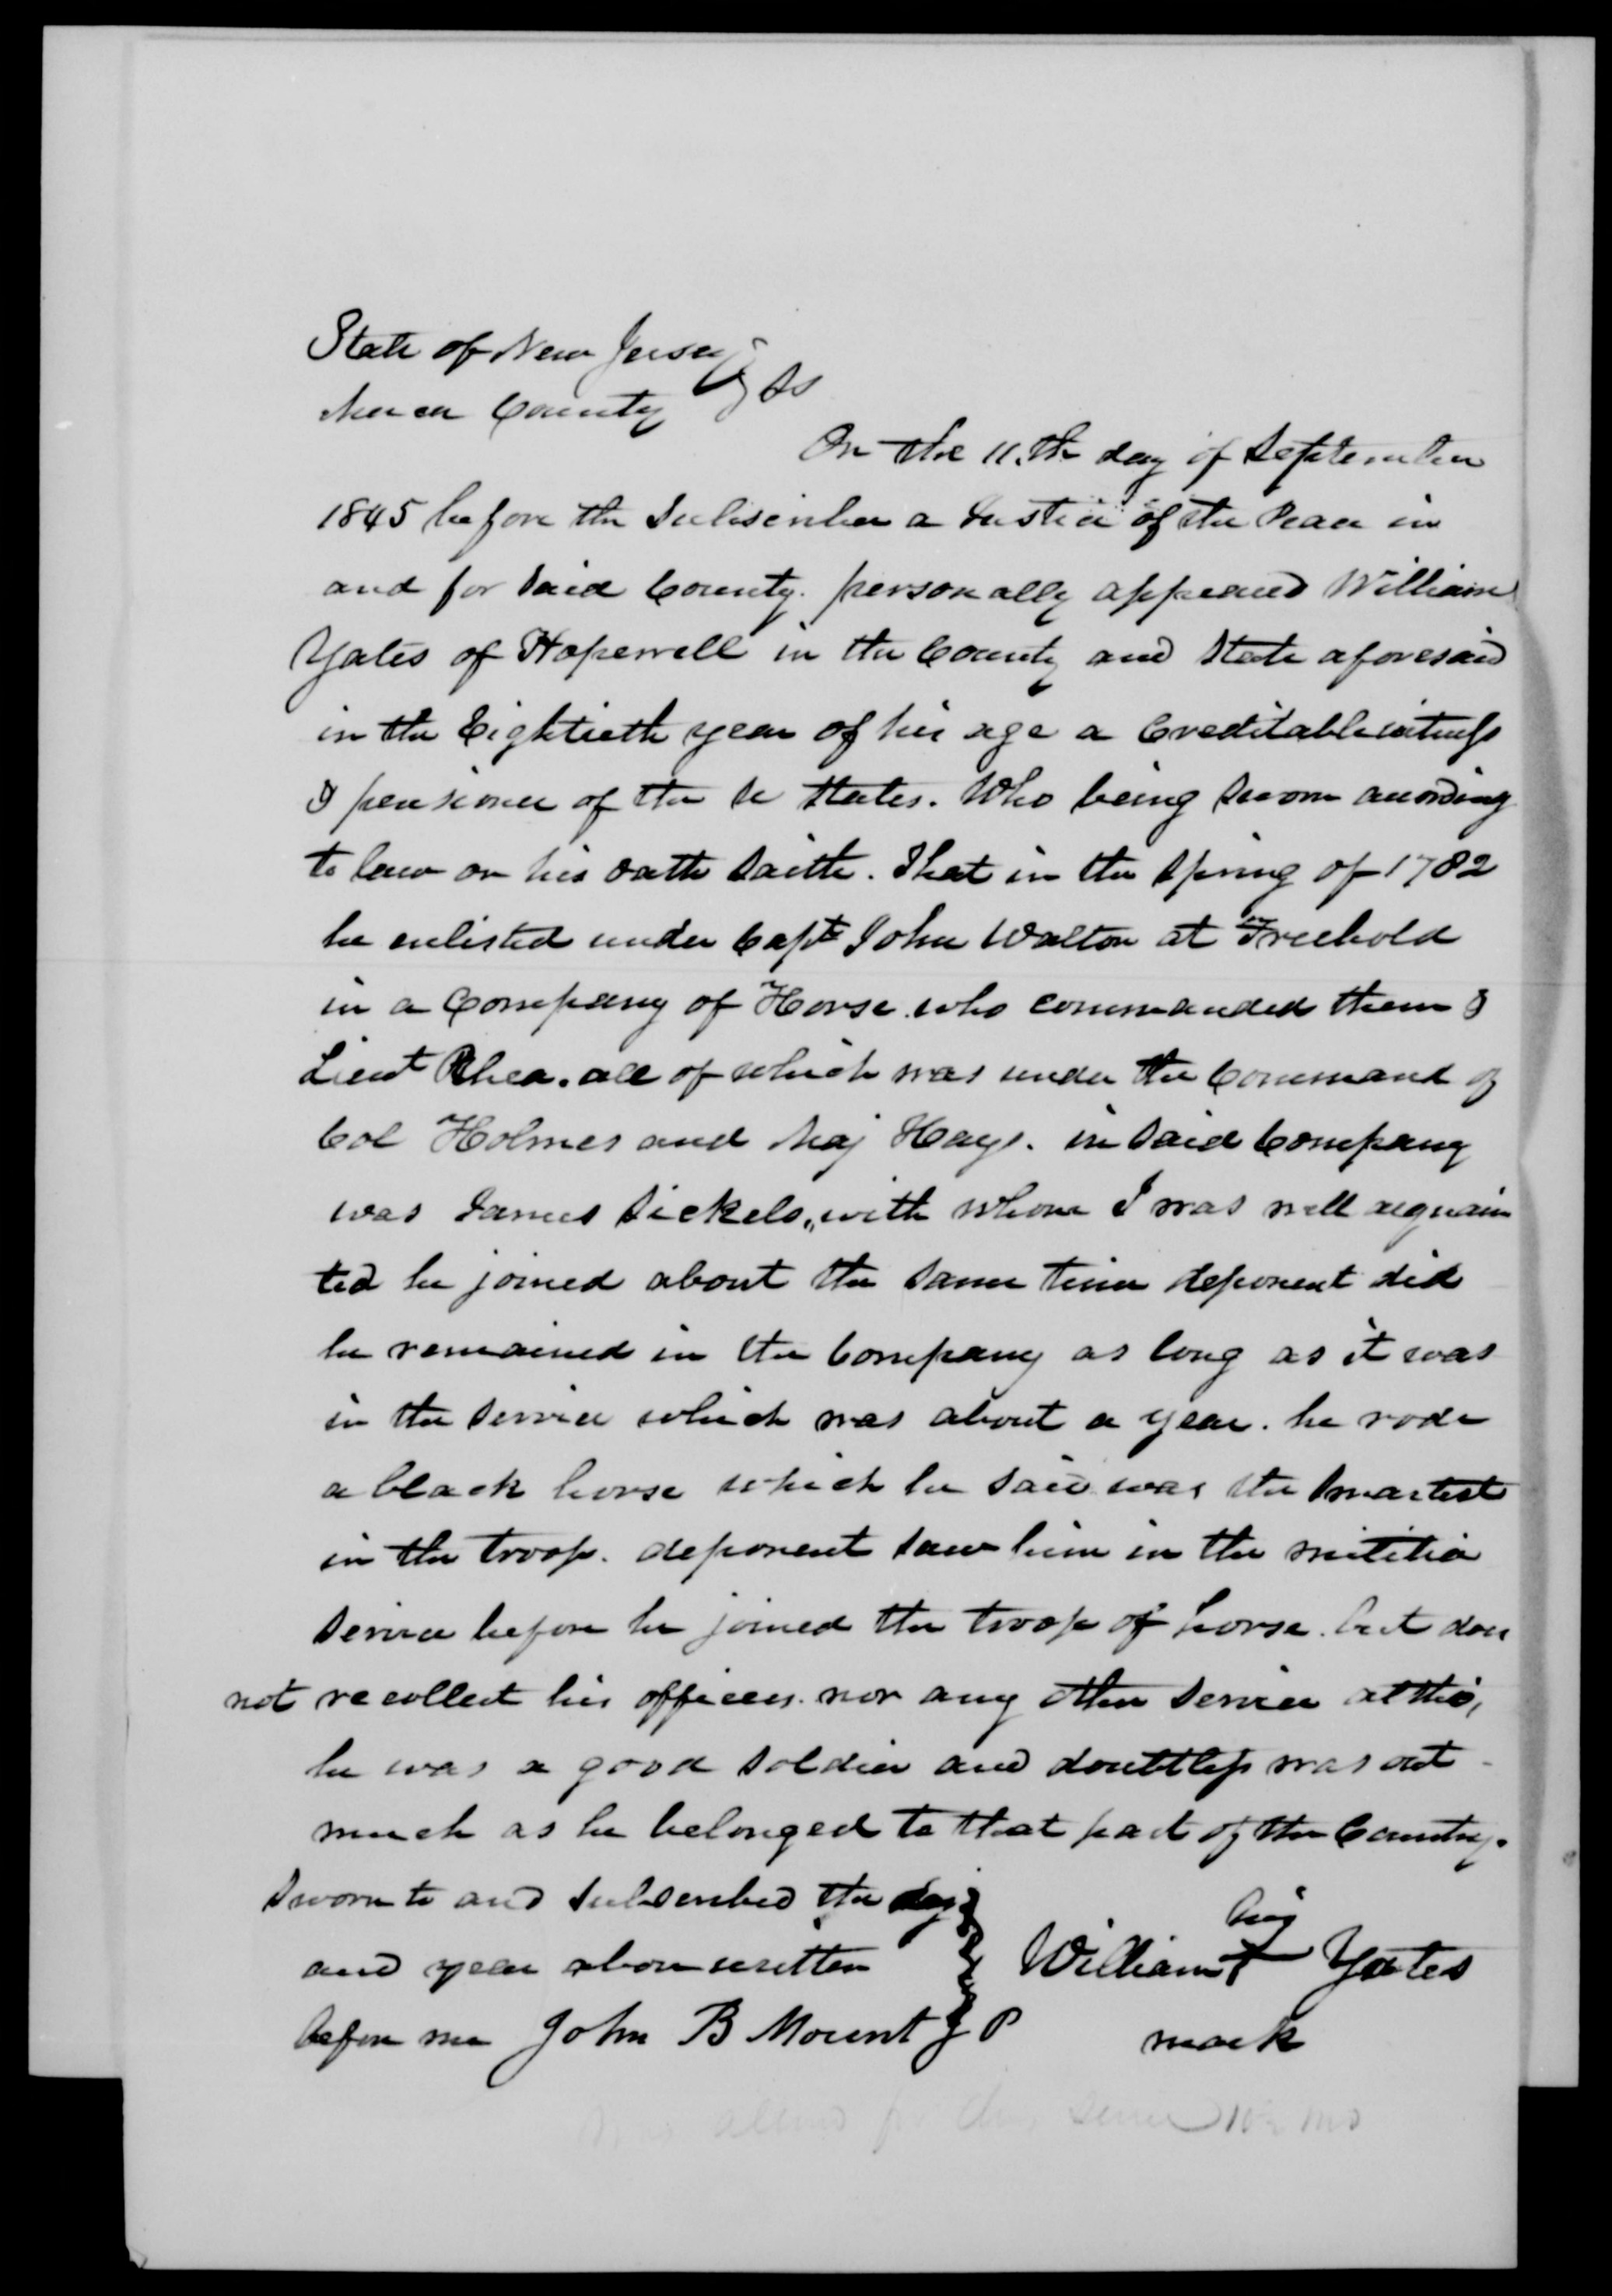State of New Jersey}
Mercer County} Ss
On the 11th day of September 1845 before the Subscriber a Justice of the Peace in and for Said County personally appeared William Yates of Hopewell in the County and State aforesaid in the Eightieth year of his age a Creditable witness & pensioner of the Sd State. Who being sworn according to law on his oath Saith. That in the Spring of 1782 he enlisted under Capt John Walton at Freehold in a Company of Horse, who commanded them & Lieut Rhea, all of which was under the command of Col Holmes and Maj Hays, in Said Company was James Sickles, with whom I was well acquainted he joined about the same time deponent did he remained in the Company as long as it was in the Service which was about a year. he rode a black horse which he said was the Smartest in the troop. deponent saw him in the Militia Service before he joined the troop of house, but does not recollect his officers, nor any other Service altho he was a good Soldier and doubtless was out much as he belonged to that part of the County.
Sworn to and Subscribed this day} his
and year above written} William + Yates
before me John B Mount J P  mark
was allowed for this Service 10 1/2 mo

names: [BLANK] Holmes; John B Mount; [BLANK] Rhea; [BLANK] Hay; James Sickels; William Yates; John Walton; William Yates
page: 29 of 33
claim: survivor's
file: S. 4,841, for James Sickles, New Jersey